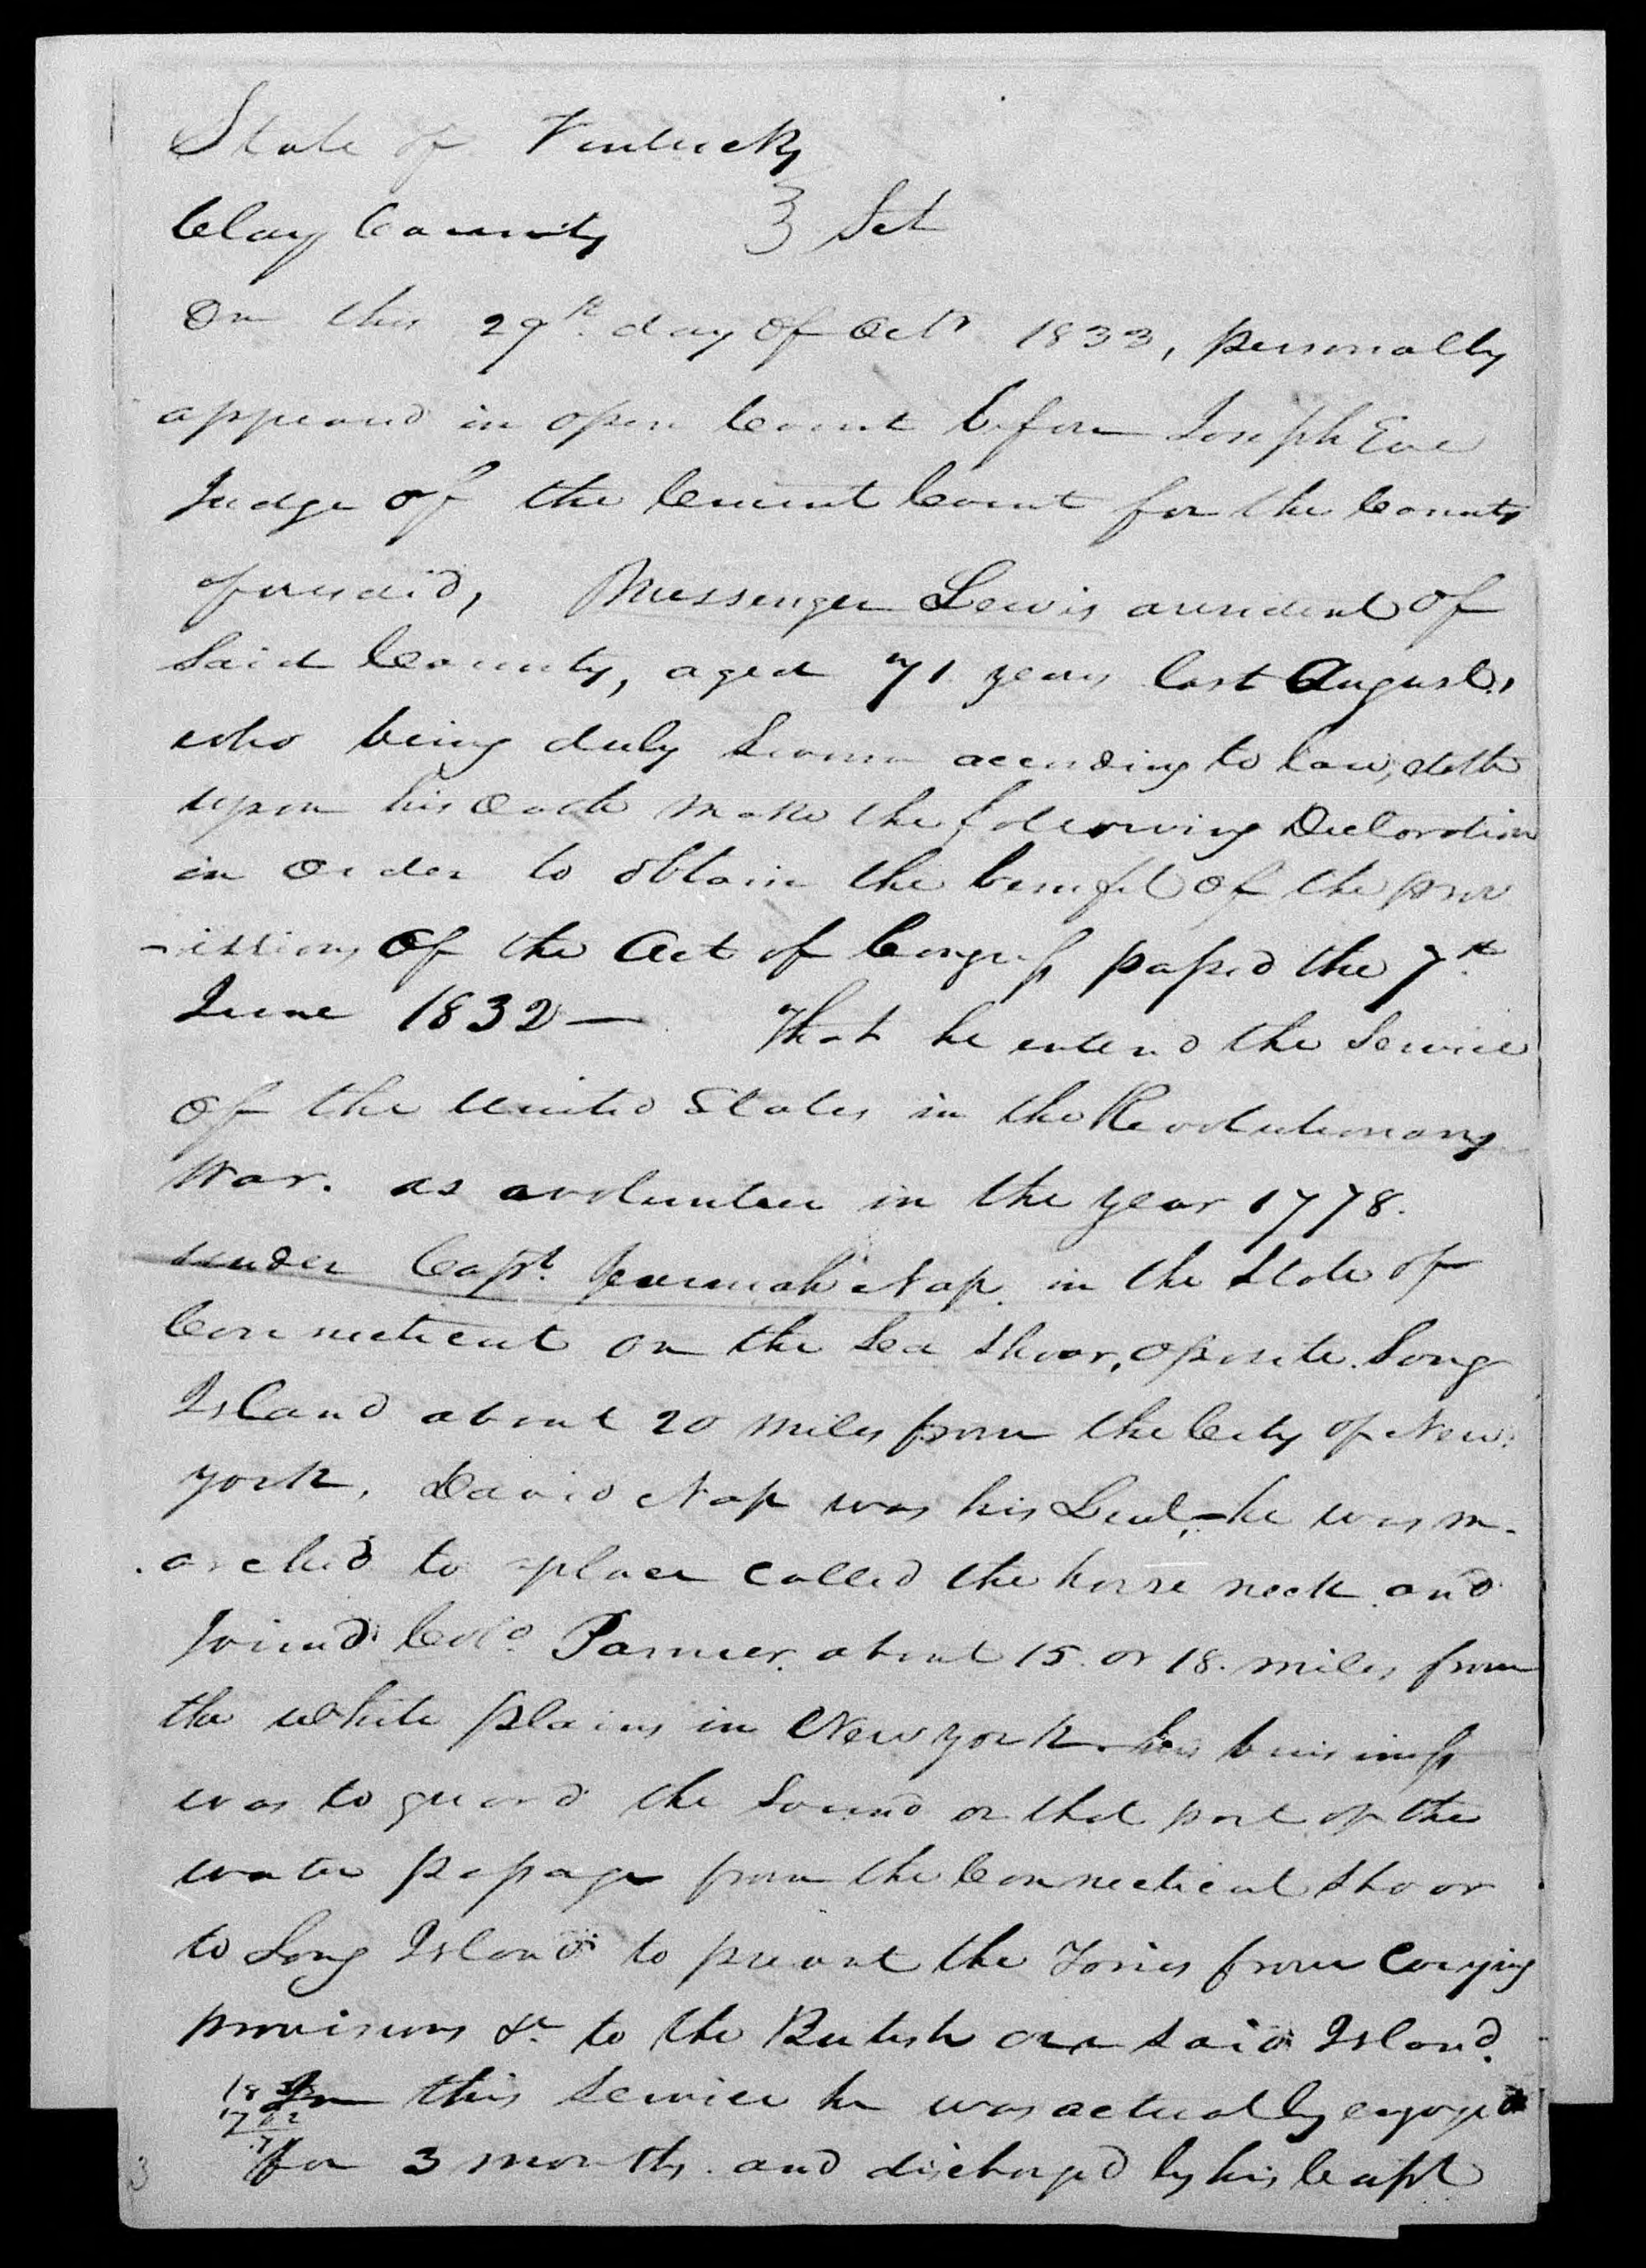State of Kentucky Clay County Sct

On the 29th day of Octr 1833, personally appeared in open Court before Joseph Eve Judge of the Circuit Court for the County aforesaid, Messenger Lewis a resident of said County, aged 71 years last August who being duly sworn according to law, doth upon his oath make the following declaration in order to obtain the benefit of the provision of the Act of Congress passed the 7th June 1832 - That he entered the service of the United States in the Revolutionary War as a volunteer in the year 1778 under Capt. Jeremiah Nap [Knapp] in the State of Connecticut on the sea shoor, oposite Long Island about 20 miles from the city of New York. David Nap [Knapp] was his Lieut - he was marched to a place called the horse neck and joined Colo. Parmer [Palmer] about 15 or 18 miles from the white plains in New York. his business was to guard the Sound or that part of the water passage from the Connecticut Shoor to Long Island to prevent the Tories from carying provisions &c to the British on said Island. In this service he was actually engaged for 3 months and discharged by his Capt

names: Joseph Eve; Jeremiah Nap; [BLANK] Parmer; David Nap; Messenger Lewis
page: 3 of 12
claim: survivor's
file: S. 31207, for Messenger Lewis, Connecticut